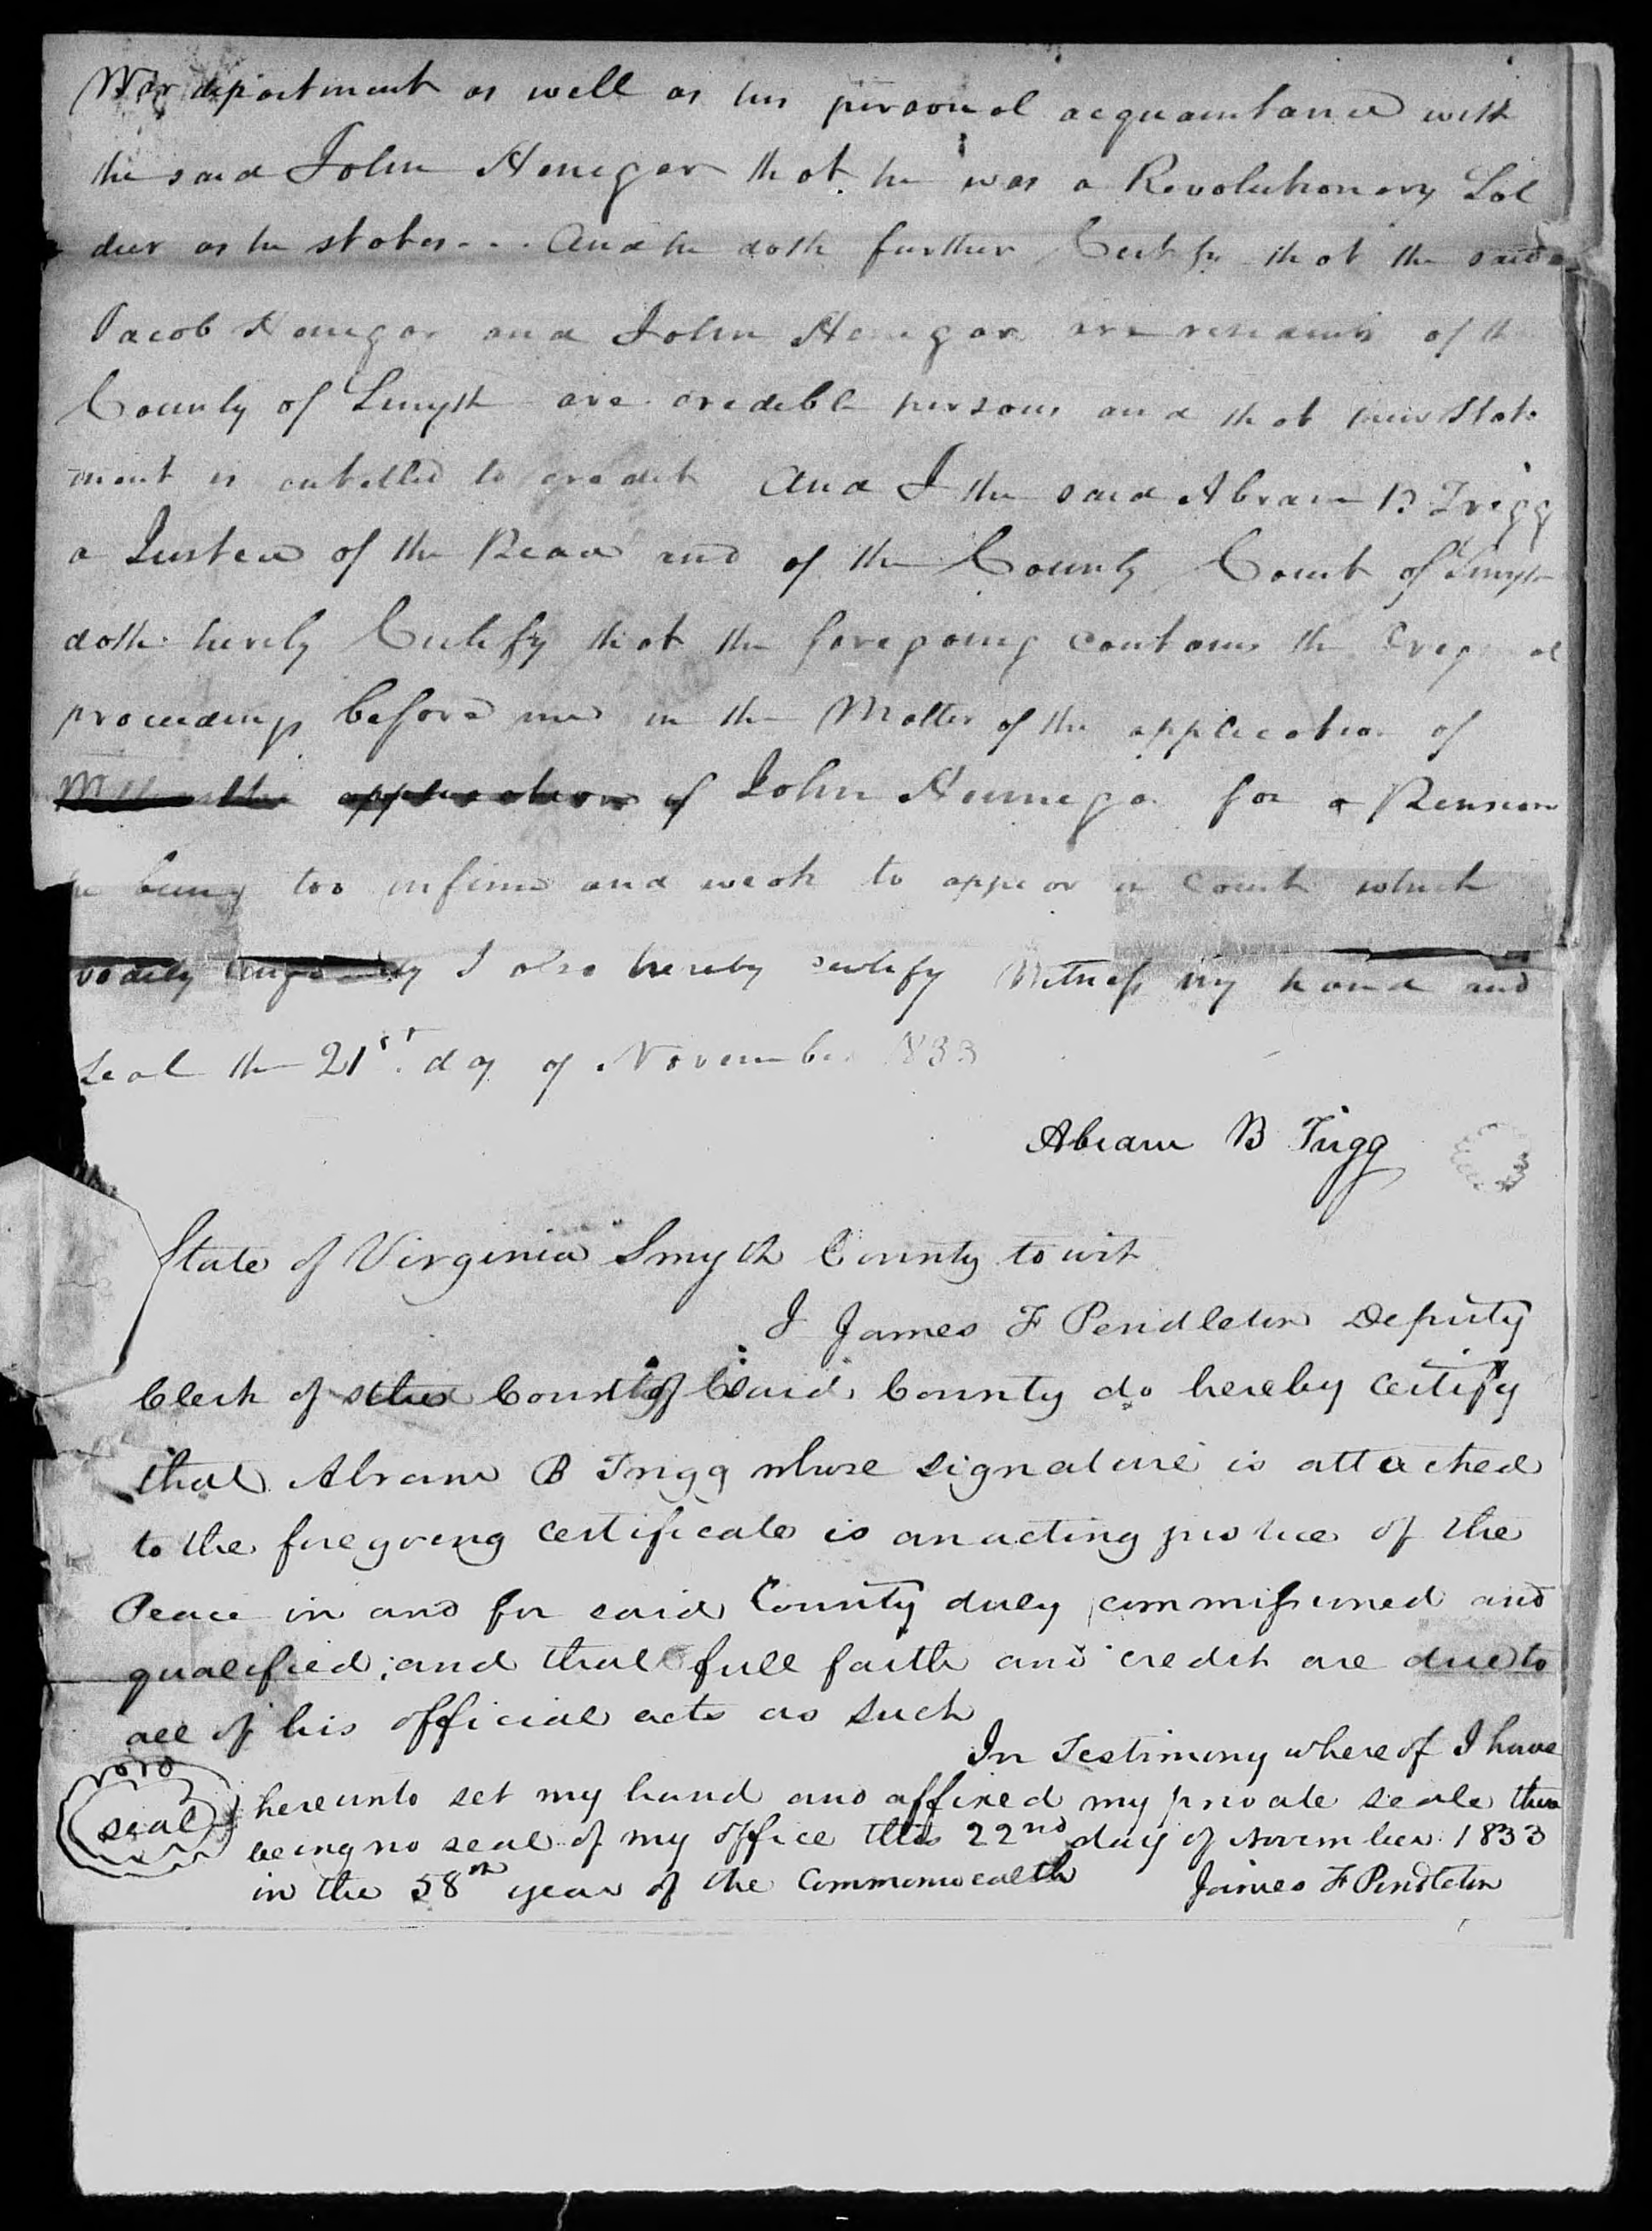War Department as well on his personal acquaintance with the said John Hennigar that he was a revolutionary soldier as he states. And he doth further certify that the said Jacob Hennigar and John Hennigar are residents of the County of Smyth are credible persons and that their statement is entitled to credit. And I the said Abram B Trigg a justice of the peace for the county court of Smyth doth hereby certify that the foregoing contains the original proceedings before me in the matter of the application of John Hennigar for a pension.

He being too infirm and weak to appear in court which I also hereby certify witness my hand and seal the 21st day of November 1833.

Abram B Trigg - SEAL

State of Virginia Smyth County to wit

I James F Pendleton deputy clerk of the county court do hereby certify that Abram B Trigg whose signature is attached to the foregoing certificate is an acting justice of the peace in and for said county duly commissioned and qualified and that full faith and credit are due to all of his official acts as such.

In testimony whereof I have hereunto set my hand and affixed my private seal there being no seal of my office this 22nd day of November 1833 in the 58th year of the Commonwealth.

James F Pendleton

SEAL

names: John Henegan, Abram B Trigg, John Henegan, Jacob Henegan, John Hennegan, Abram B Trigg, Abram B Trigg, James L Pendleton, James F Pendleton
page: 10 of 18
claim: survivor's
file: S. 15,884, John Hennigar, Md.